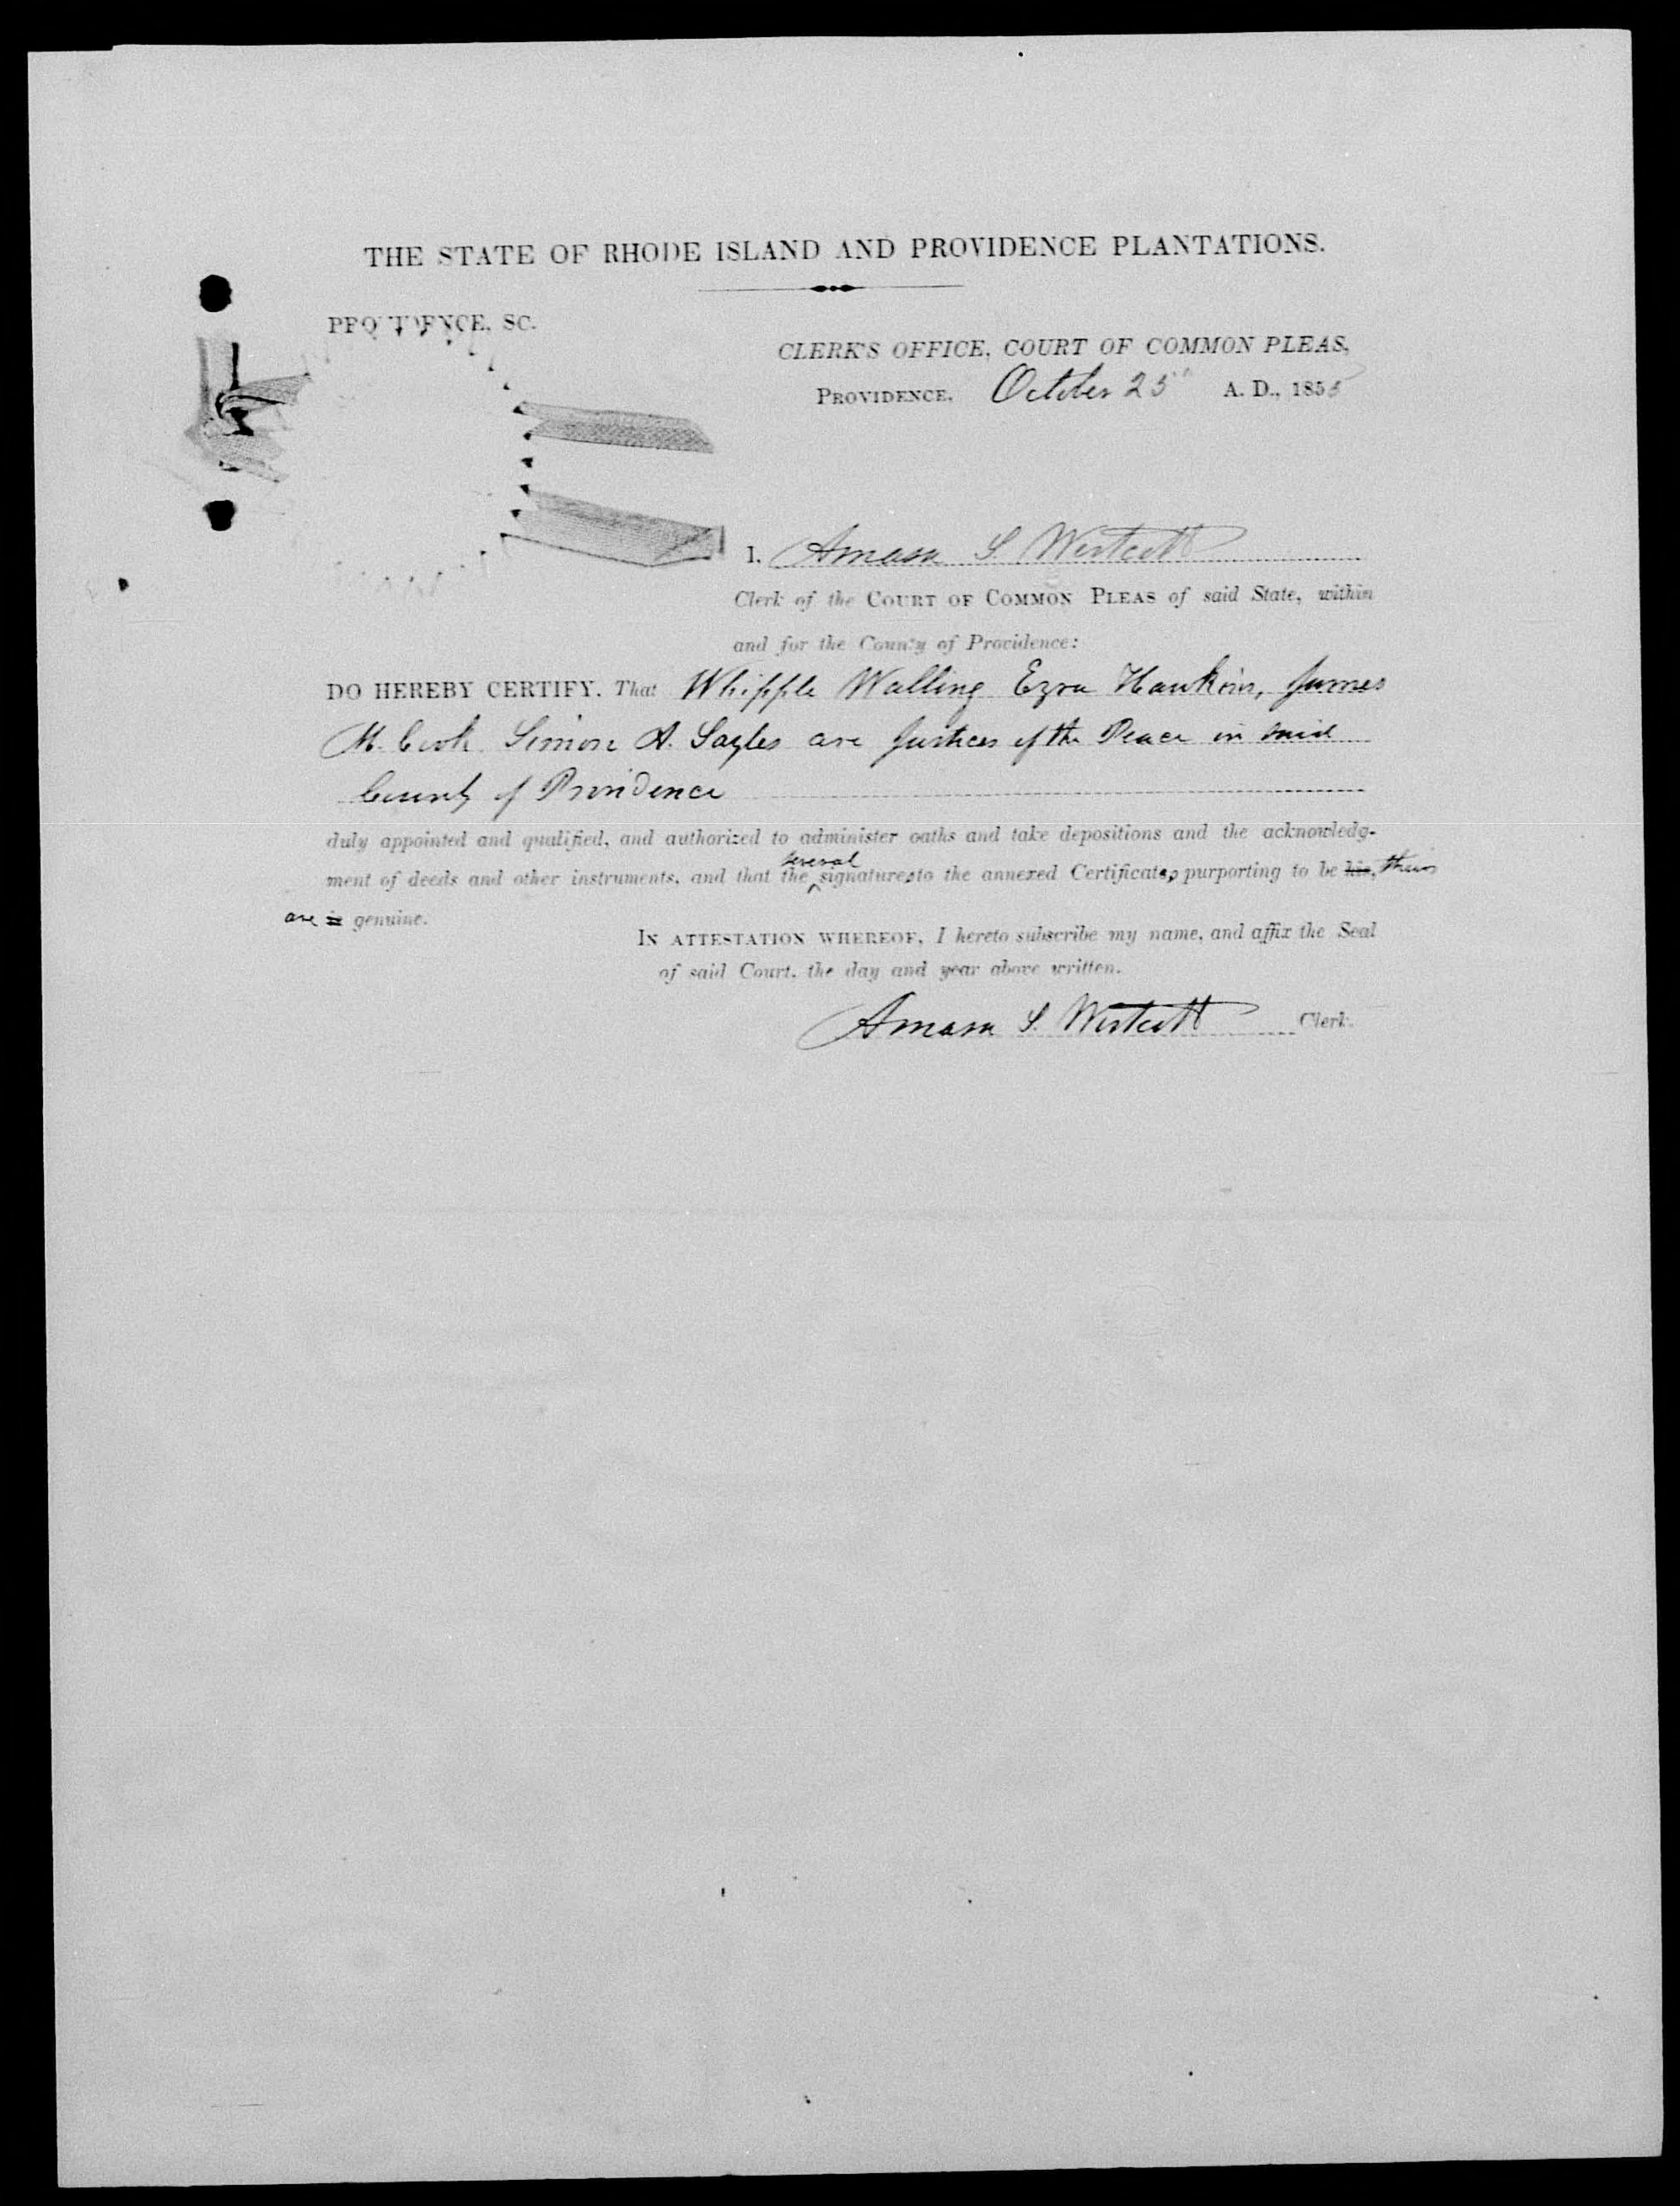THE STATE OF RHODE ISLAND AND PROVIDENCE PLANTATIONS. PROVIDENCE SC. CLERK'S OFFICE, COURT OF COMMON PLEASE, PROVIDENCE. October 25th A. D. 1855
I Amasa L. Westcott Clerk of the COURT OF COMMON PLEAS of said State, within and for the County of Providence: DO HEREBY CERTIFY. That Whipple Walling Ezra Hawkins, James M. Cook, Simon A Sayles are Justices of the Peace in said County of Providence duly apointed and qualified, and authorized to administer oaths and take depositions and the acknowledgment of deeds and other instruments, and that the serveral signatures to the annexed Certificates purporting to be theirs are genuine. IN ATTESTATION WHEREOF, I hereto subscribe my name, and affix the Seal of said Court, the day and year above written. Amasa L. Westcott Clerk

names: Whipple Walling, Amasa S Westcott, Simon A Sayles, James M Cook, Ezra Hawkins, Amasa S Westcott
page: 38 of 76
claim: widow's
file: W. 15,517, William Gadcomb, R.I.